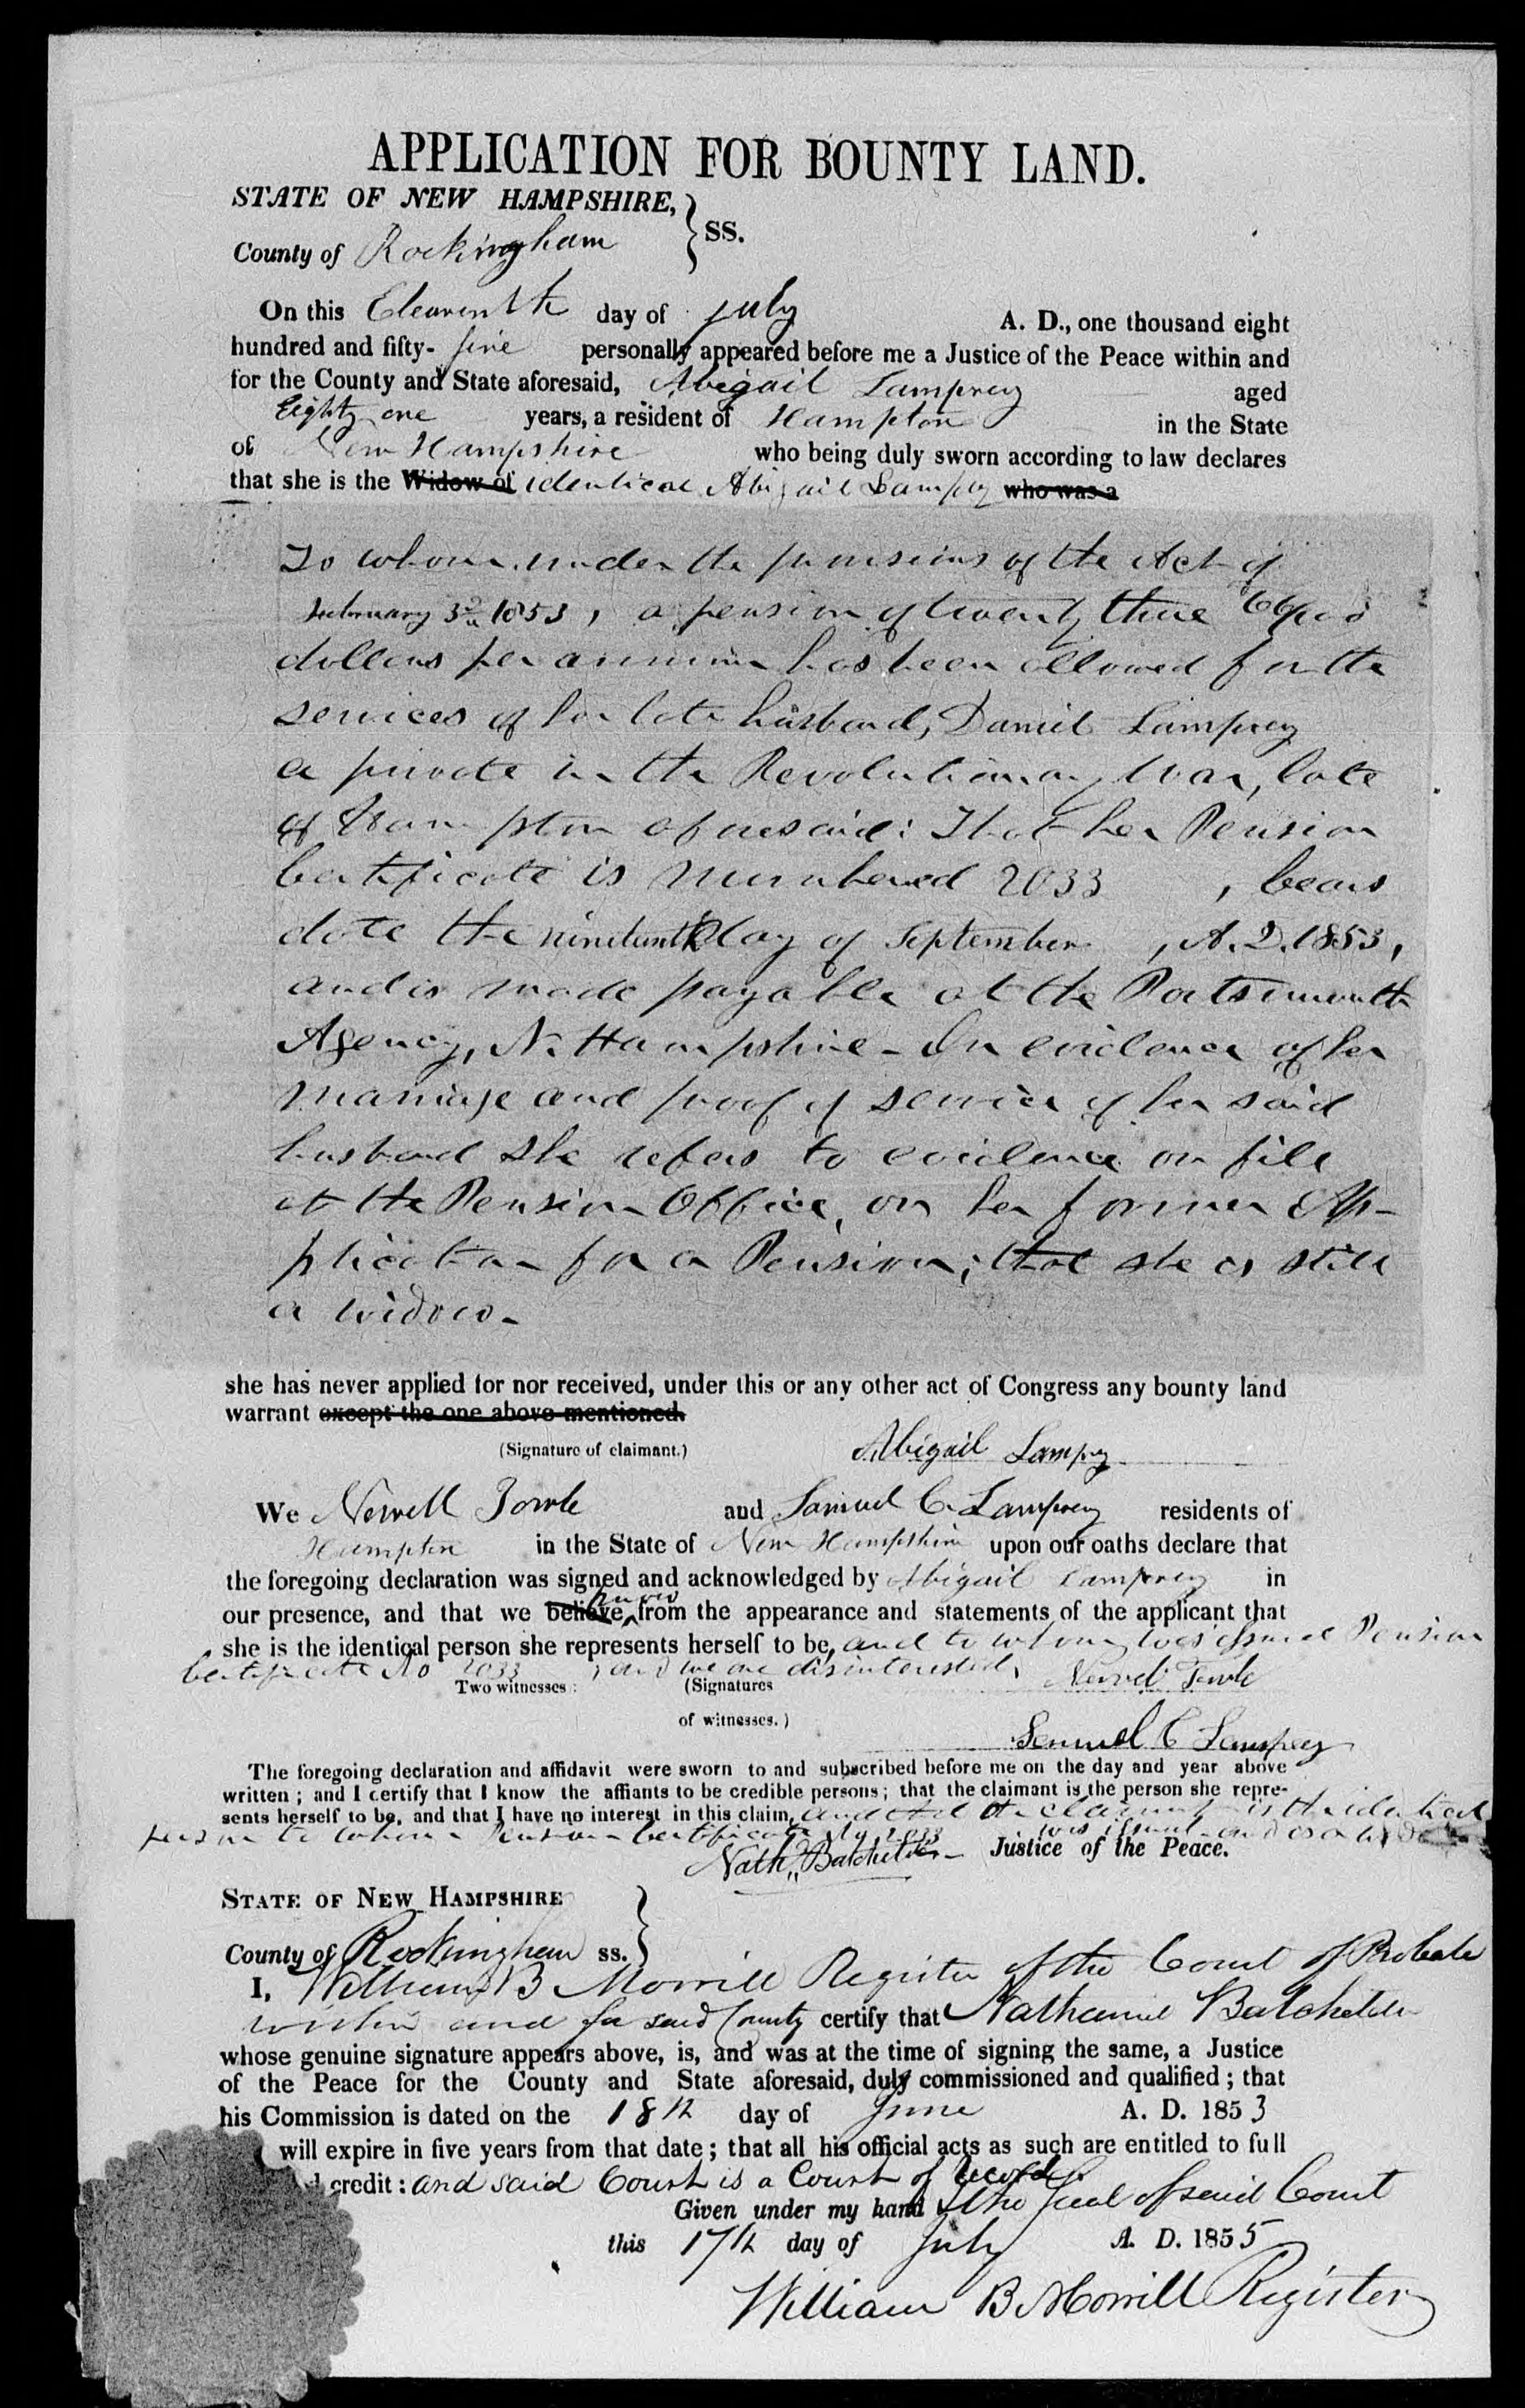APPLICATION FOR BOUNTY LAND.
STATE OF NEW HAMPSHIRE.
County of Rockingham} SS.
On this Eleventh day of July A. D. one thousand eight hundred and fifty-five personally appeared before me a Justice of the Peace within and for the County and State aforesaid, Abigail Lamprey aged Eighty one years, a resident of Hampton in the State of New Hampshire who being duly sworn according to law declares that she is the identical Abigail Lamprey To whom under the provisions of the Act February 3d 1853, a pension of twenty three 66/100 dollars per annum has been allowed for services of her late husband, Daniel Lamprey a private in the Revolutionary war, late of Hampton aforesaid: That her Pension Certificate is numbered 2033, bears date the nineteenth day of September, A.D. and is made payable at the Portsmouth Agency, N. [NEW] Hampshire- In evidence of her marriage and proof of service of her said husband she refers to evidence on file at the Pension Office, on her former Application for a Pension; that she is still a widow.
she has never applied for nor received, under this or any other act of Congress any bounty land warrant
(Signature of claimant.) Abigail Lamprey
We Newell Towle and Samuel C Lamprey residents of Hampton in the State of New Hampshire upon our oaths declare that the
foregoing declaration was signed and acknowledged by Abigail Lamprey in our presence, and that we believe proves from the appearance and statements of the applicant that she is the identical person she represents herself to be, and to whom was issued Pension Certificate No 2033, and we are disinterested. 
Two witnesses (Signatures of witnesses.) Newell Towle Samuel Lamprey

The foregoing declaration and affidavit were sworn to and subscribed before me on the day and year above written; and I certify that I know the affiants to be credible persons; that the claimant is the person she represents herself to be, and that I have no interest in this claim, and that claimant is the said  person to whom certificate No 2033 was found and is a widow
Nath [NATHANIEL] Batchelder Justice of the Peace.
STATE OF NEW HAMPSHIRE
County of Rockingham ss.} I, William B Morrill Register of the Court of Probate within and for said County certify that Nathaniel Batchelder
whose genuine signature appears above, is, and was at the time of signing the same, a Justice of the Peace for the County and State aforesaid, duly commissioned and qualified; that his Commission is dated on the 18th day of June A. D. 1853 and will expire in five years from that date; that all his official acts as such are entitled to full [faith and] credit: and said Court is a Court of Record.
Given under my hand & the seal of said Court
this 17th day of July A. D. 1855
William B Morrill Register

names: Daniel Lamprey; Nathaniel Batchelder; Abigail Lamprey; Samuel C Lamprey; Newell Towle; William B Morrill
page: 13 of 53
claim: widow's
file: W. 492, for Daniel Lamprey, New Hampshire